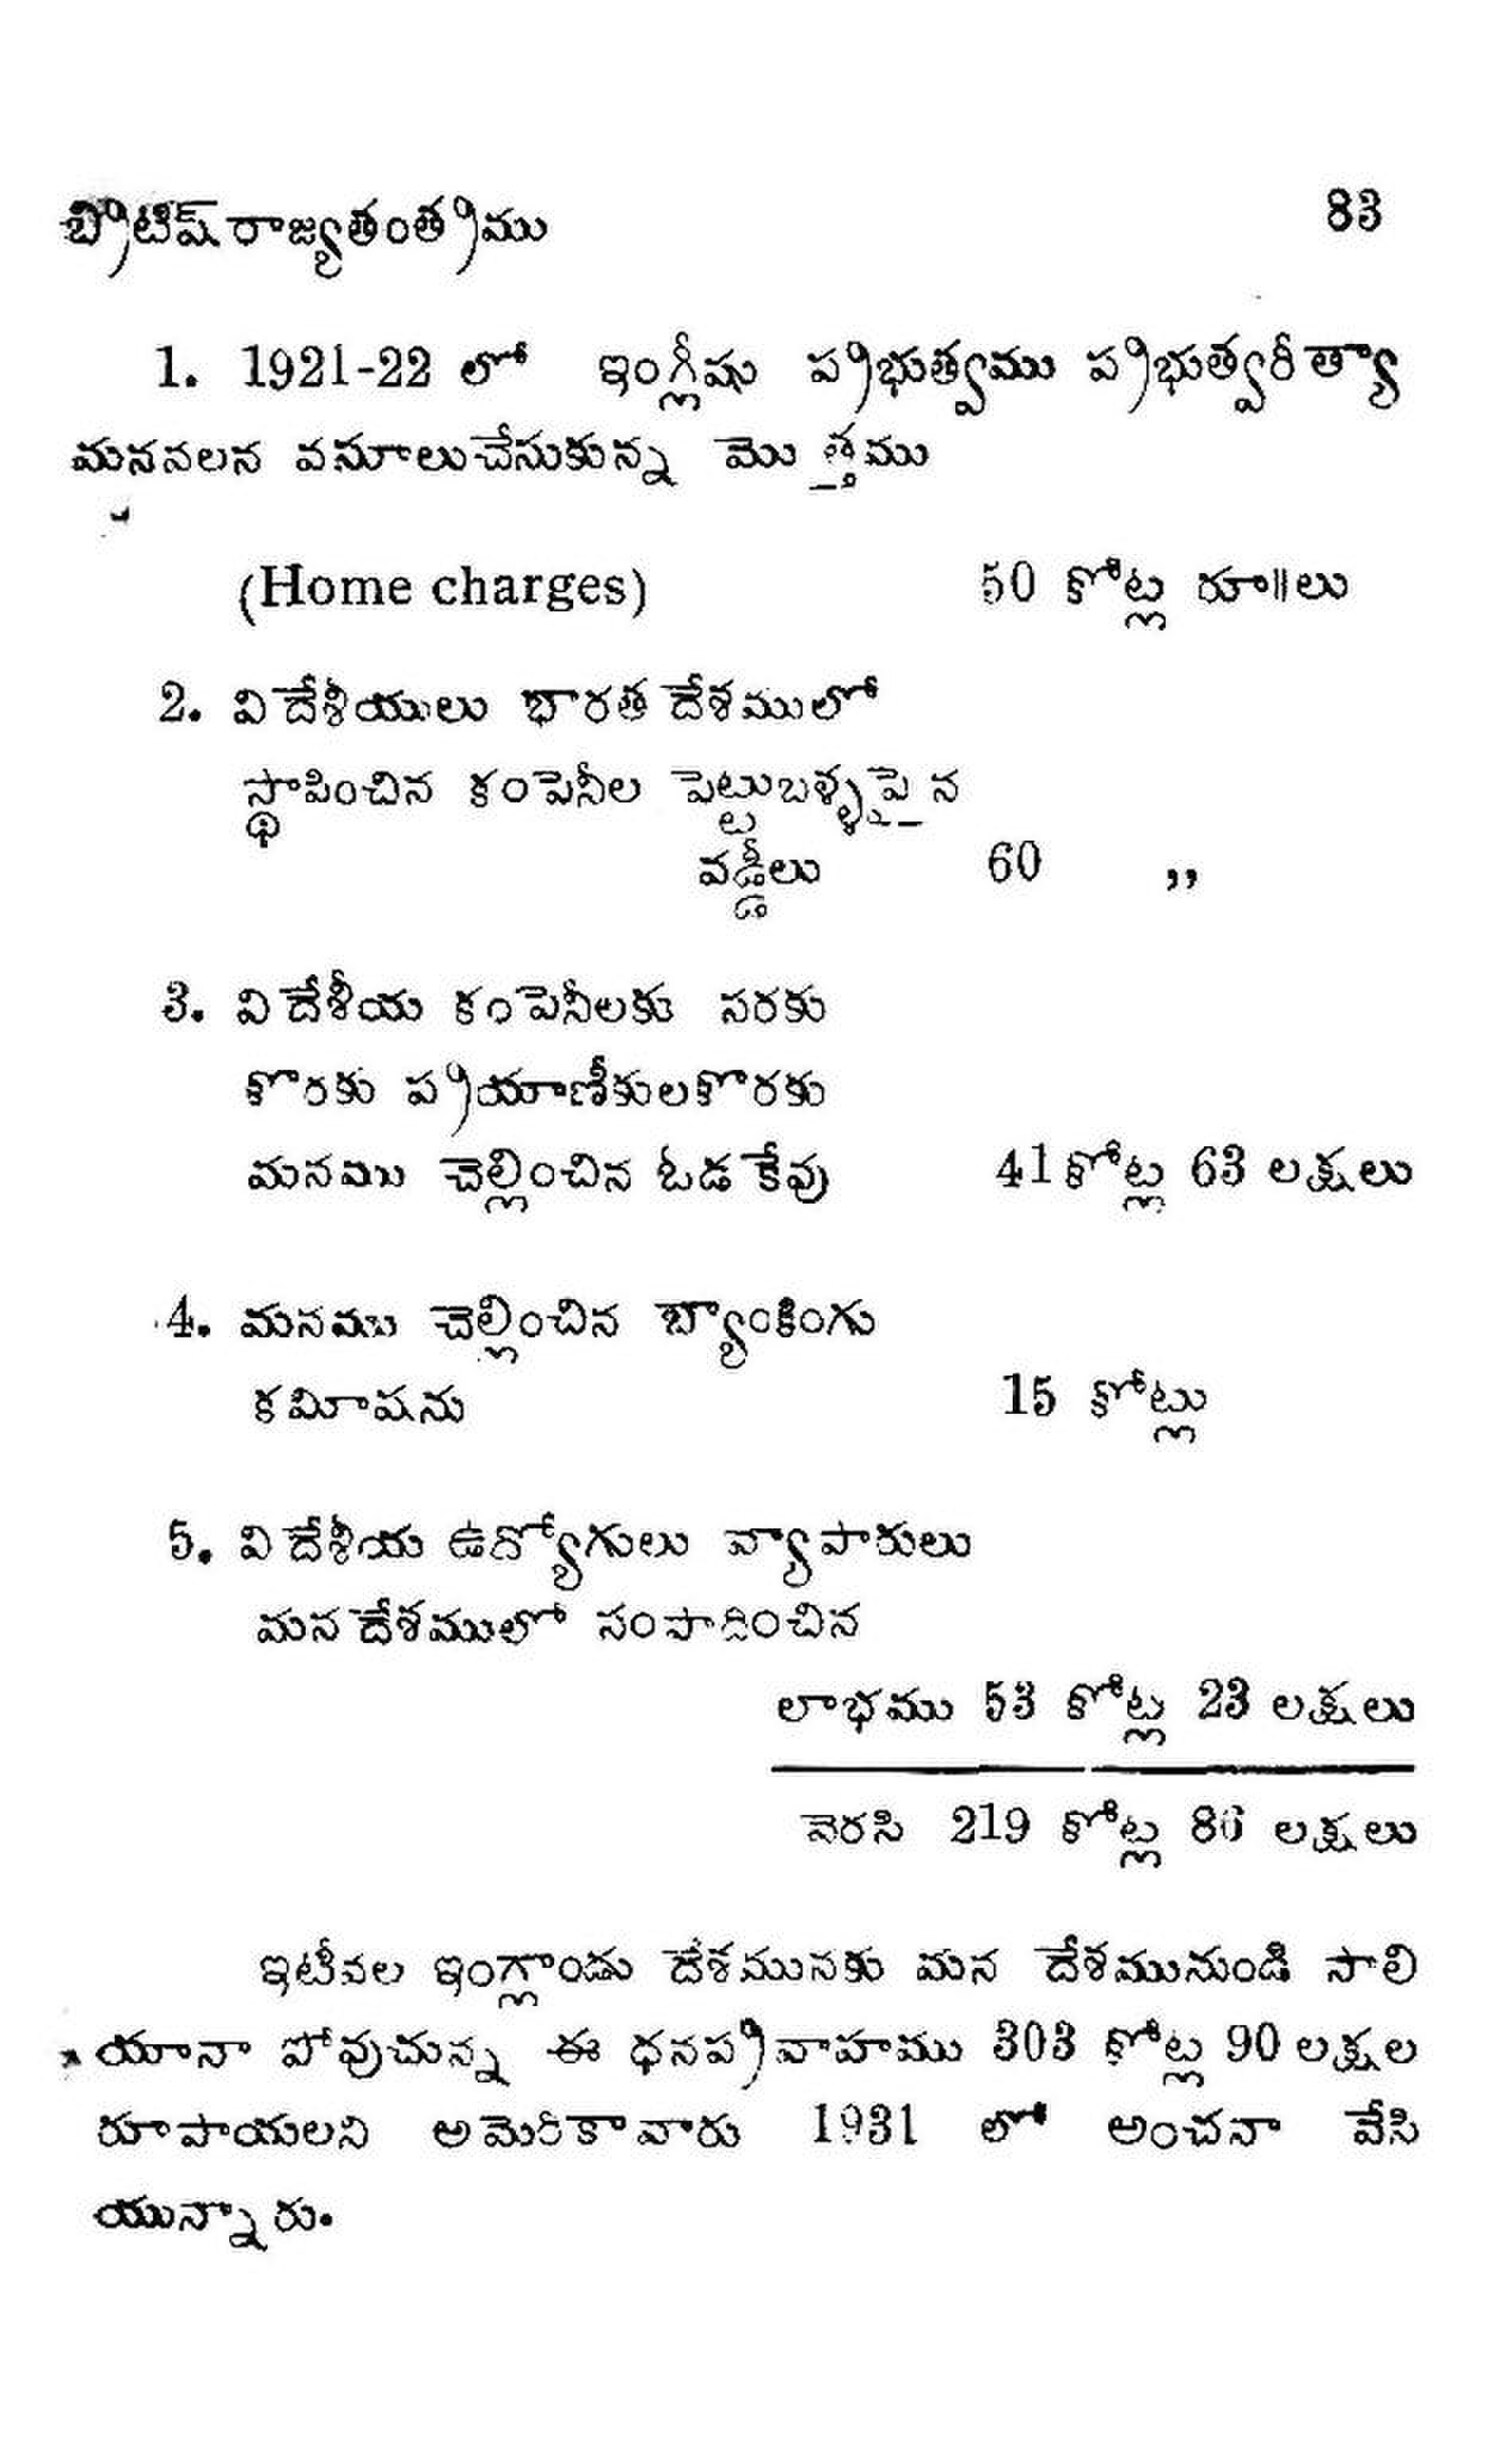1 1921 - 22 లో ఇంగ్లీషు ప్రభుత్వము ప్రభుత్వరీత్యా మనవలన వసూలుచేసుకున్న మొత్తము (Home charges) 5o కోట్ల రూ లు 2 విదేశీయులు భారతదేశములో స్థాపించిన పెట్టుబళ్ళపైన వడ్డీలు 60 కోట్ల రూ లు 3 విదేశీయ కంపెనీలకు సరకుకొరకు ప్రయాణీకులకొరకు మనము చెల్లించిన ఓడకేవు 41 కోట్ల 63 లక్షలు 4 మనము చెల్లించిన బ్యాంకింగు కమీషను 15 కోట్లు 5 విదేశీయ ఉద్యోగులు వ్యాపారులు మనదేశములో సంపాదించిన లాభము 53 కోట్ల 23 లక్షలు - వెరసి 219 కోట్ల 86 లక్షలు

ఇటీవల ఇంగ్లాండు దేశమునకు మన దేశమునుండి సాలియానా పోవుచున్న ఈ ధనప్రవాహము 303 కోట్ల 90 లక్షల రూపాయలని అమెరికావారు 1931 లో అంచనా వేసి యున్నారు.